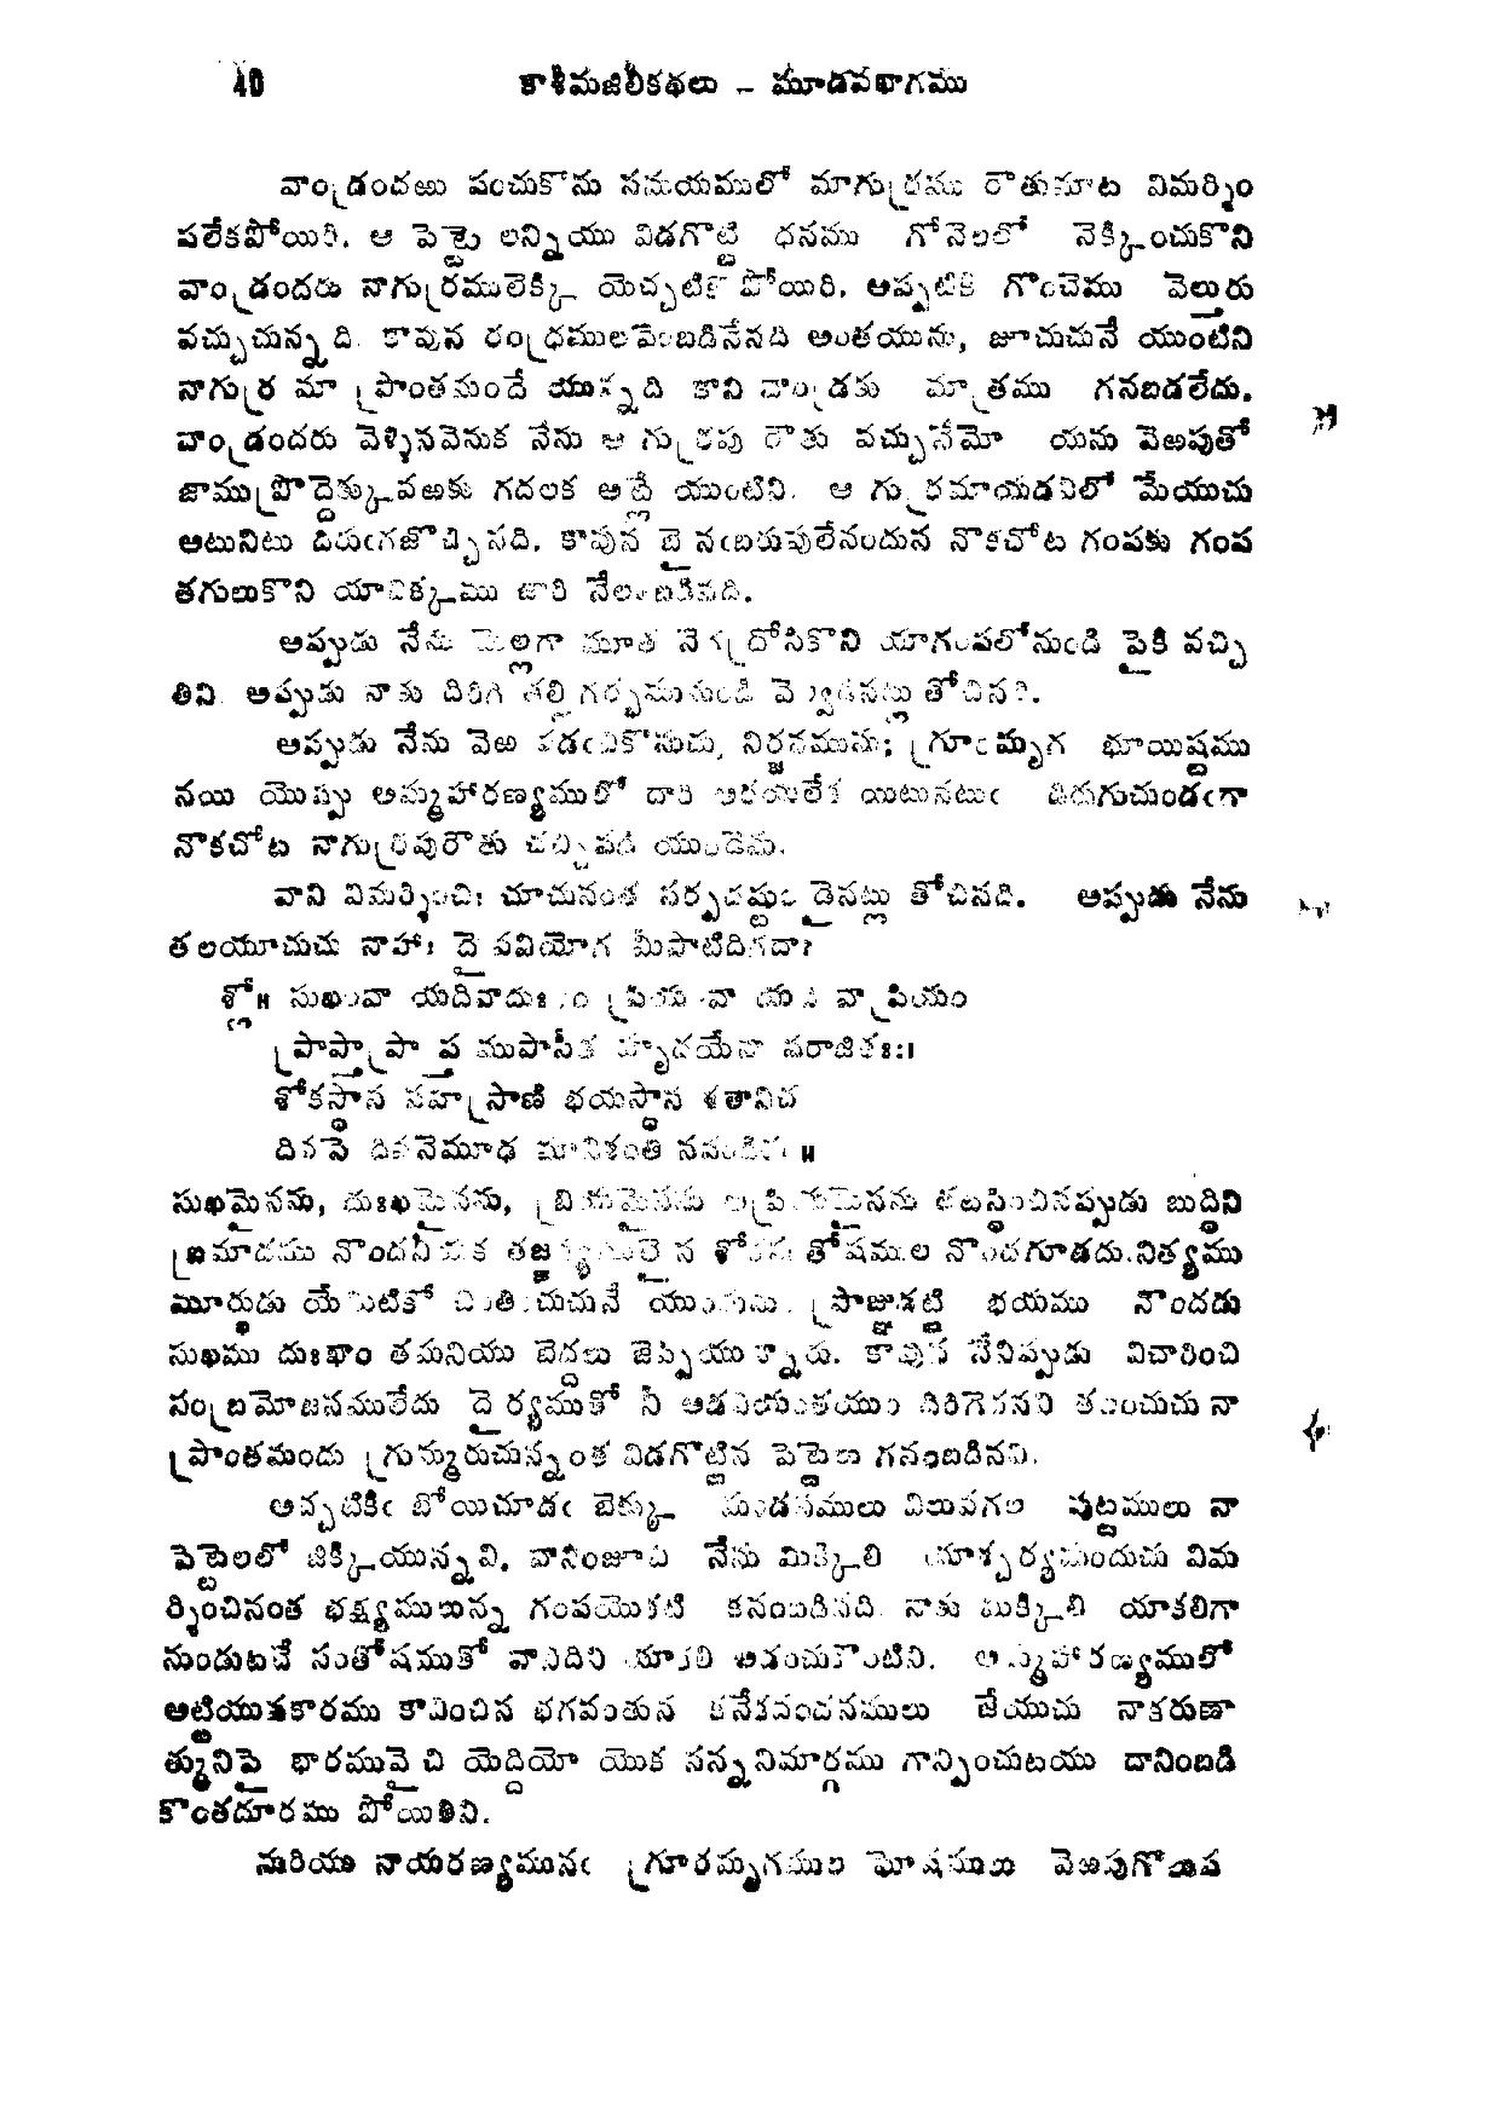వాండ్రందఱు పంచుకొను సమయములో మాగుర్రము రౌతుమాట విమర్శింపలేకపోయిరి. ఆ పెట్టె లన్నియు విడగొట్టి ధనము గోనెలలో నెక్కించుకొని వాండ్రందరు నాగుర్రములెక్కి యెచ్చటికో పోయిరి. అప్పటికి గొంచెము వెల్తురు వచ్చుచున్నది. కావున రంధ్రములవెంబడినేనది అంతయును జూచుచునే యుంటిని. నాగుర్ర మా ప్రాంతమందే యున్నది. కాని వాండ్రకు మాత్రము గనబడలేదు. వాడ్రందరు వెళ్ళినవెనుక నేను ఆ గుర్రపు రౌతు వచ్చునేమో యను వెఱపుతో జాము ప్రొద్దెక్కువఱకు గదలక అట్లే యుంటిని. ఆ గుర్ర మాయడవిలో మేయుచు అటునిటు దిరుఁగజొచ్చినది. కావున బైనఁబరువు లేనందున నొకచోట గంపకు గంప తగులుకొని యాచిక్కము జారి నేలంబడినది.

అప్పుడు నేను మెల్లగా మూత నెగద్రోసికొని యాగంపలోనుండి పైకి వచ్చితిని. అప్పుడు నాకు దిరిగి తల్లి గర్భమునుండి వెల్వడినట్లు తోచినది.

అప్పుడు నేను వెఱ వడఁచికొనుచు, నిర్జనమును, గ్రూరమృగ భూయిష్టము నయి యొప్పు అమ్మహారణ్యములో దారి అరయలేక యిటునటుఁ దిరుగుచుండఁగా నొకచోట నాగుర్రపురౌతు చచ్చిపడి యుండెను.

వాని విమర్శించి చూచునంత సర్పదష్టుండైనట్లు తోచినది. అప్పుడు నేను తలయూచుచు నాహా! దైవవియోగ మీపాటిది కదా?

శ్లో॥ సుఖంవా యదివాదుః ప్రియంవా యసి వా ప్రియం
 ప్రాప్తా ప్రాప్త ముపాసీత హృదయేనా పరాజితః।
 శోకస్థాన సహస్రాణి భయస్థాస శతానిచ
 దివసె దివనెమూఢ మానిశంతి నవందితః॥
సుఖమైనను, దుఃఖమైనను, బ్రియమైనను అప్రియమైనను తటస్థించినప్పుడు బుద్దిని బ్రమాదము నొందనీయక తజ్ఞత్యములైన శోకసంతోషముల నొందగూడదు.నిత్యము మూర్ఖుడు యేమిటికో చింతించుచునే యుండును. ప్రాజ్ఞుడట్టి భయము నొందడు సుఖము దుఃఖాంత మనియు బెద్దలు జెప్పియున్నారు. కావున నేనిప్పుడు విచారించినంబ్రయోజనములేదు. దైర్యముతో నీ అడవియంతయుం దిరిగెదనని తలంచుచు నా ప్రాంతమందు గ్రుమ్మరుచున్నంత విడగొట్టిన పెట్టెలు గనంబడినవి.

అచ్చటికిఁ బోయిచూడఁ బెక్కు మందసములు విలువగల పుట్టములు నా పెట్టెలలో జిక్కియున్నవి. వానింజూచి నేను మిక్కిలి యాశ్చర్యమందుచు విమర్శించినంత భక్ష్యములున్న గంపయొకటి కనంబడినది. నాకు మిక్కిలి యాకలిగా నుండుటచే సంతోషముతో వాని దిని యాకలి అడంచుకొంటిని. అమ్మహారణ్యములో అట్టియుపకారము కావించిన భగవంతున కనేకవందనములు జేయుచు నాకరుణాత్మునిపై భారమువైచి యెద్దియో యొక సన్ననిమార్గము గాన్పించుటయు దానింబడి
కొంతదూరము పోయితిని.

మరియు నాయరణ్యమునఁ గ్రూరమృగముల ఘోషములు వెఱపుగొలుప